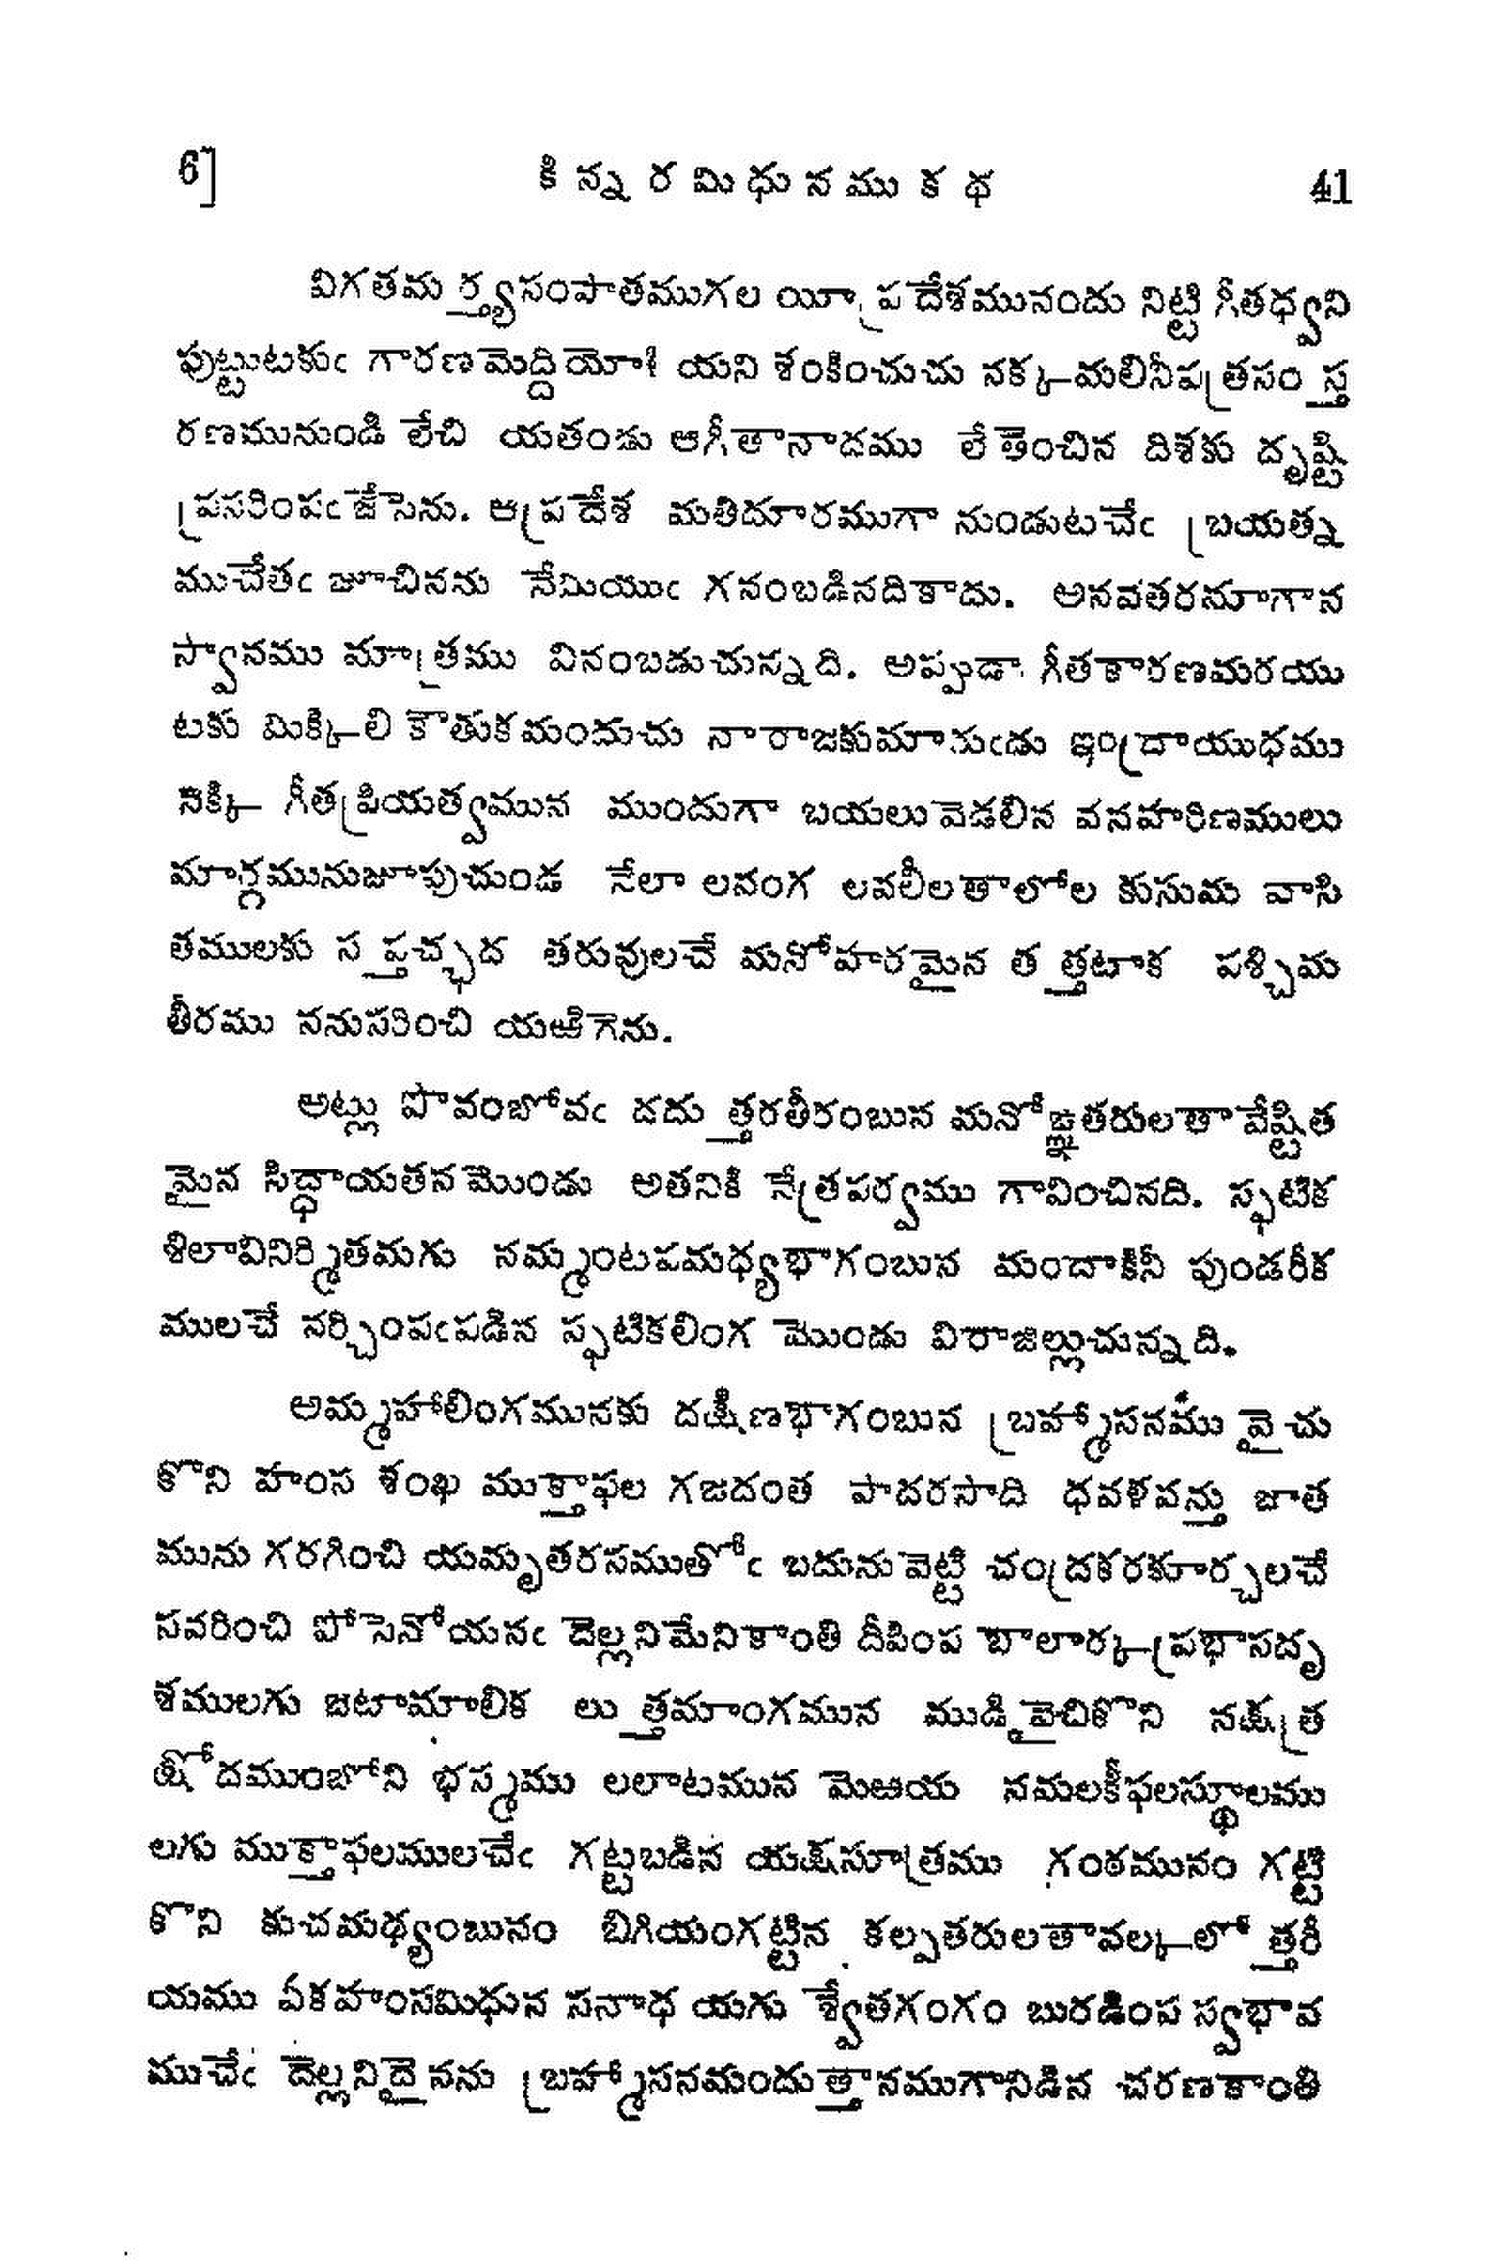విగతమర్త్యసంపాతముగల యీప్రదేశమునందు నిట్టి గీతధ్వని పుట్టుటకుఁ గారణమెద్దియో? యని శంకించుచు నక్కమలినీపత్రసంస్త రణమునుండి లేచి యతండు ఆగీతానాదము లేతెంచిన దిశకు దృష్టి ప్రసరింపఁజేసెను. ఆప్రదేశ మతిదూరముగా నుండుటచేఁ బ్రయత్నముచేతఁ జూచినను నేమియుఁ గనంబడినదికాదు. అనవతరమాగాన స్వానము మాత్రము వినంబడుచున్నది. అప్పుడా గీతకారణమరయుటకు మిక్కిలి కౌతుకమందుచు నారాజకుమారుఁడు ఇంద్రాయుధము నెక్కి గీతప్రియత్వమున ముందుగా బయలువెడలిన వనహరిణములు మార్గమునుజూపుచుండ నేలా లనంగ లవలీలతాలోల కుసుమ వాసితములకు సప్తచ్ఛద తరువులచే మనోహరమైన తత్తటాక పశ్చమతీరము ననుసరించి యఱిగెను.

అట్లు పోవంబోవఁ దదుత్తరతీరంబున మనోజ్ఞతరులతావేష్టితమైన సిద్ధాయతనమొండు అతనికి నేత్రపర్వము గావించినది. స్ఫటిక శిలావినిర్మతమగు నమ్మంటపమధ్యభాగంబున మందాకినీ పుండరీకములచే నర్చింపఁబడిన స్ఫటికలింగ మొండు విరాజిల్లుచున్నది.

అమ్మహాలింగమునకు దక్షిణభాగంబున బ్రహ్మాసనము వైచుకొని హంస శంఖ ముక్తాఫల గజదంత పాదరసాది ధవళవస్తు జాతమును గరగించి యమృతరసముతోఁ బదునువెట్టి చంద్రకరకూర్చలచే సవరించి పోసెనోయనఁ దెల్లనిమేనికాంతి దీపింప బాలార్కప్రభాసదృశములగు జటామాలిక లుత్తమాంగమున ముడివైచికొని నక్షత్ర క్షోదముంబోని భస్మము లలాటమున మెఱయ నమలకీఫలస్థూలములగు ముక్తాఫలములచేఁ గట్టబడిన యక్షసూత్రము గంఠమునం గట్టికొని కుచమధ్యంబునం బిగియంగట్టిన కల్పతరులతావల్కలోత్తరీయము ఏకహంసమిధున సనాధ యగు శ్వేతగంగం బురడింప స్వభావముచేఁ దెల్లనిదైనను బ్రహ్మాసనమందుత్తానముగానిడిన చరణకాంతి